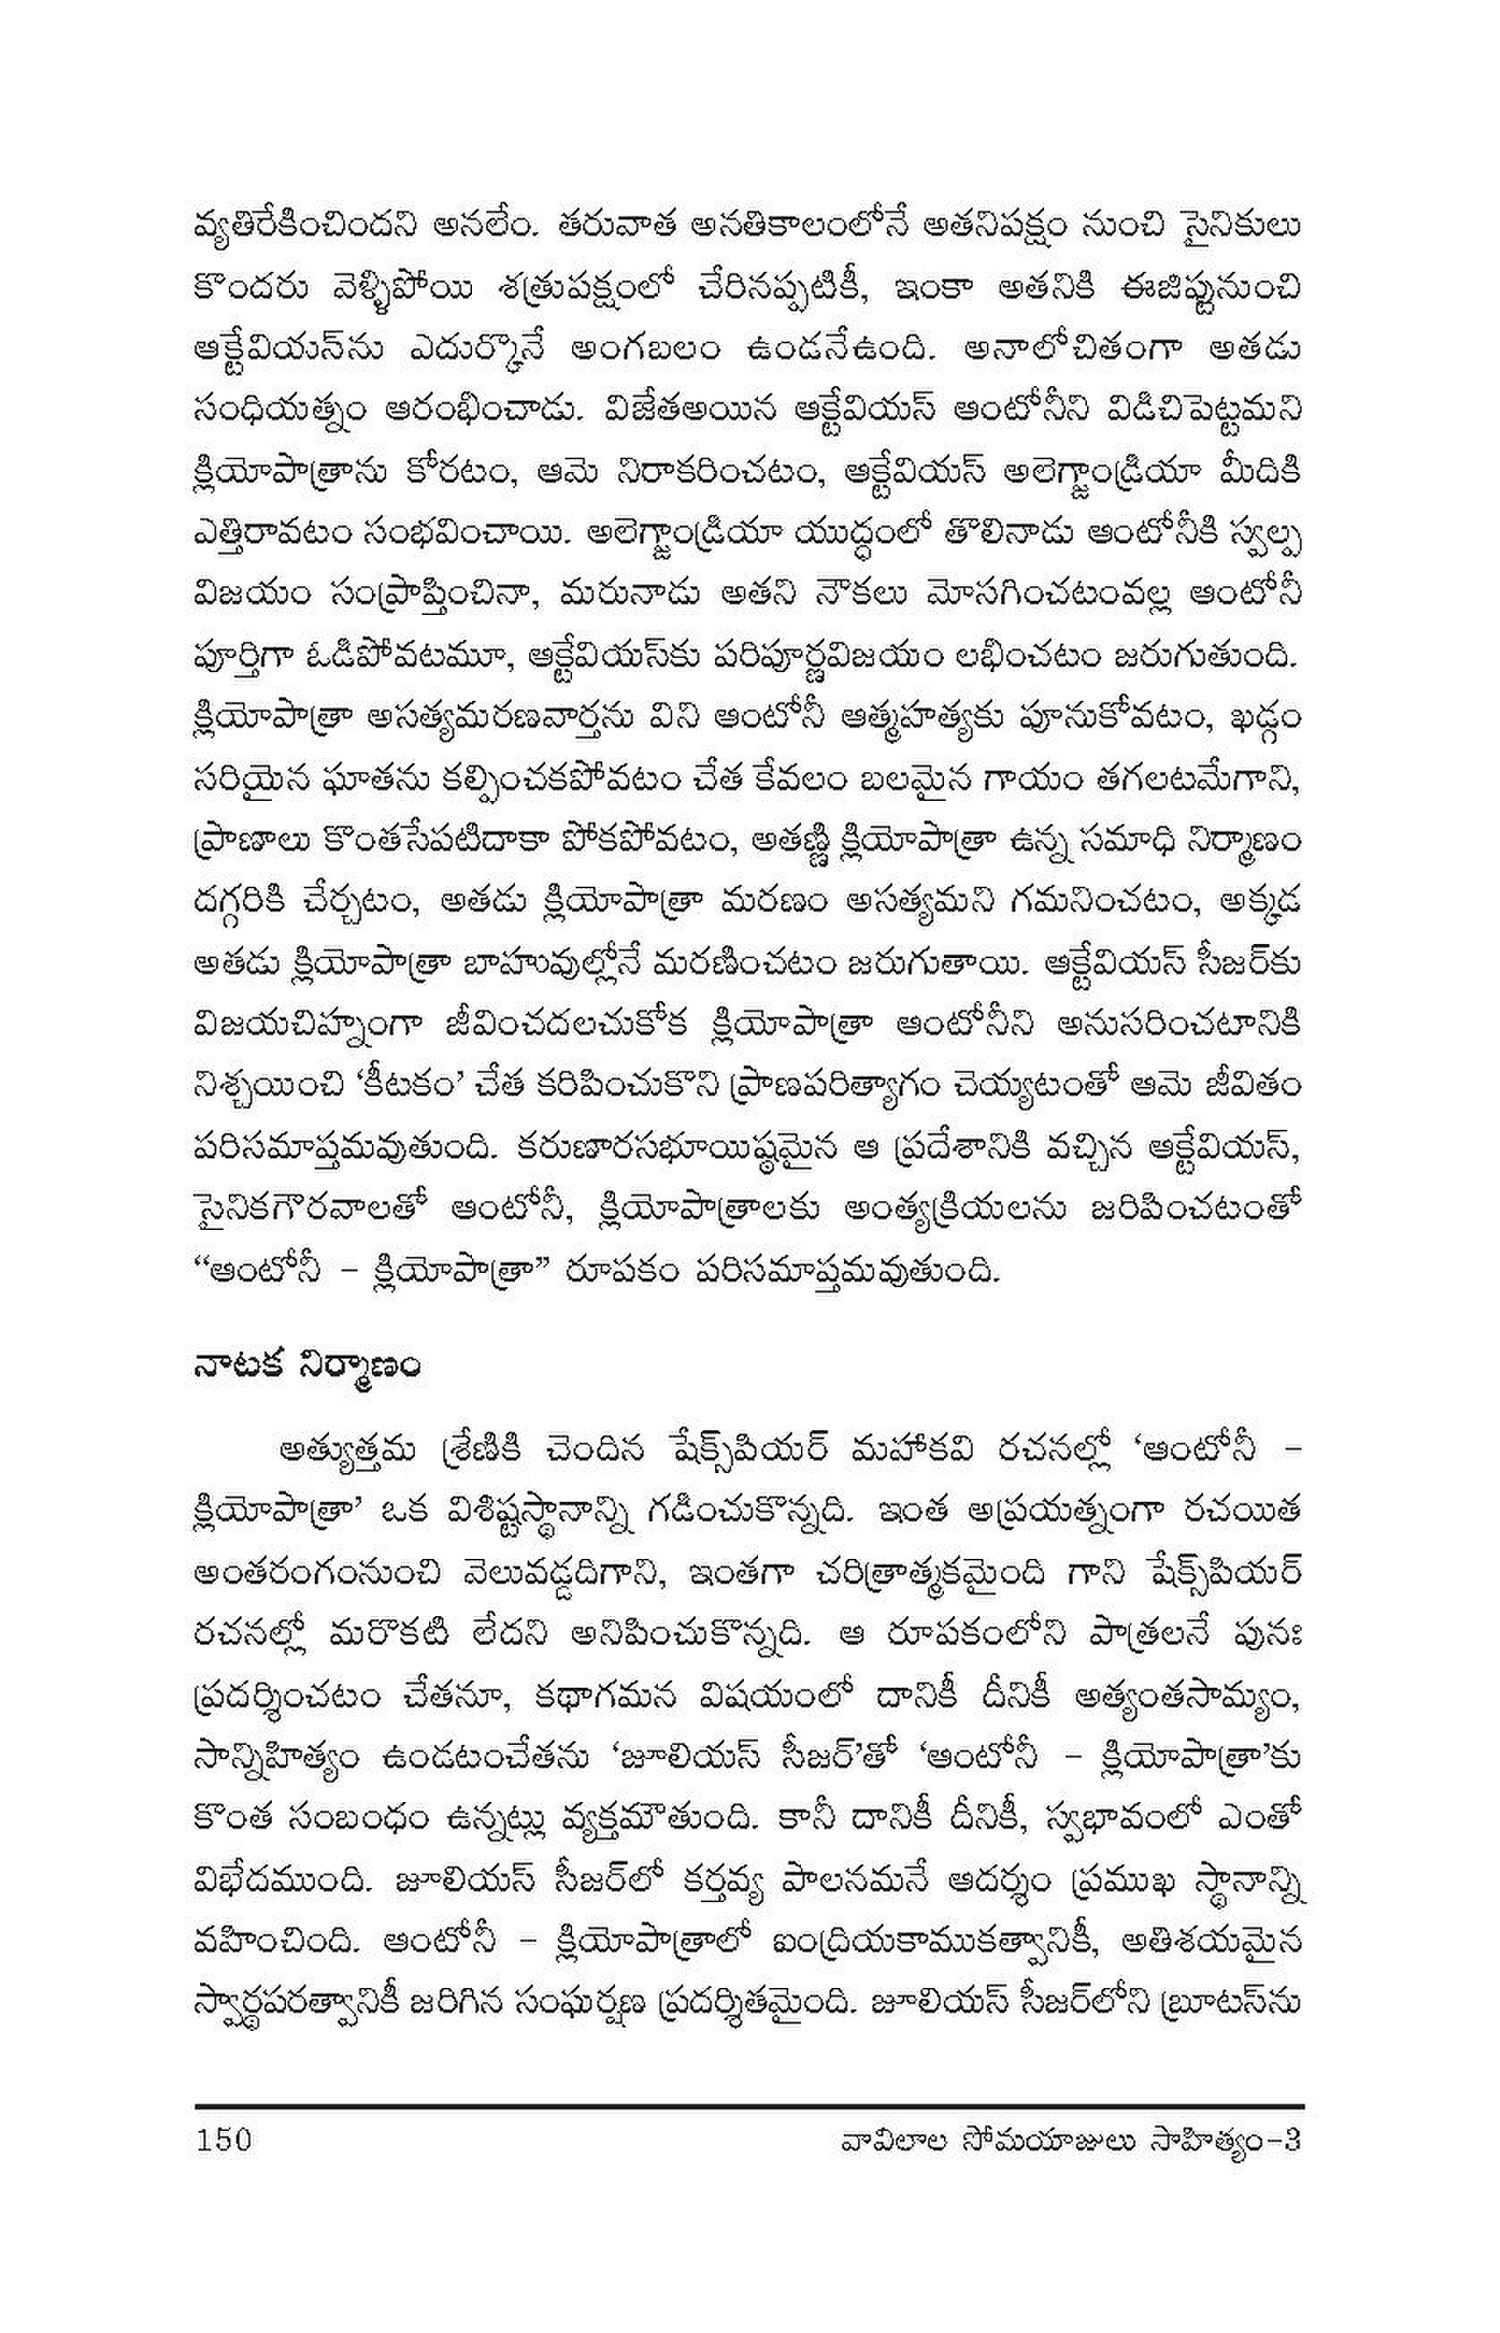వ్యతిరేకించిందని అనలేం. తరువాత అనతికాలంలోనే అతనిపక్షం నుంచి సైనికులు
కొందరు వెళ్ళిపోయి శత్రుపక్షంలో చేరినప్పటికీ, ఇంకా అతనికి ఈజిప్టునుంచి
ఆక్టేవియను ఎదుర్కొనే అంగబలం ఉండనేఉంది. అనాలోచితంగా అతడు
సంధియత్నం ఆరంభించాడు. విజేతఅయిన ఆక్టేవియస్ ఆంటోనీని విడిచిపెట్టమని
క్లియోపాత్రాను కోరటం, ఆమె నిరాకరించటం, ఆక్టేవియస్ అలెగ్జాండ్రియా మీదికి
ఎత్తిరావటం సంభవించాయి. అలెగ్జాండ్రియా యుద్ధంలో తొలినాడు ఆంటోనీకి స్వల్ప
విజయం సంప్రాప్తించినా, మరునాడు అతని నౌకలు మోసగించటంవల్ల ఆంటోనీ
పూర్తిగా ఓడిపోవటమూ, ఆక్టేవియస్కు పరిపూర్ణవిజయం లభించటం జరుగుతుంది.
క్లియోపాత్రా అసత్యమరణవార్తను విని ఆంటోనీ ఆత్మహత్యకు పూనుకోవటం, ఖడ్గం
సరియైన ఘాతను కల్పించకపోవటం చేత కేవలం బలమైన గాయం తగలటమేగాని,
ప్రాణాలు కొంతసేపటిదాకా పోకపోవటం, అతణ్ణి క్లియోపాత్రా ఉన్న సమాధి నిర్మాణం
దగ్గరికి చేర్చటం, అతడు క్లియోపాత్రా మరణం అసత్యమని గమనించటం, అక్కడ
అతడు క్లియోపాత్రా బాహువుల్లోనే మరణించటం జరుగుతాయి. ఆక్టేవియస్ సీజర్కు
విజయచిహ్నంగా జీవించదలచుకోక క్లియోపాత్రా ఆంటోనీని అనుసరించటానికి
నిశ్చయించి 'కీటకం' చేత కరిపించుకొని ప్రాణపరిత్యాగం చెయ్యటంతో ఆమె జీవితం
పరిసమాప్తమవుతుంది. కరుణారసభూయిష్ఠమైన ఆ ప్రదేశానికి వచ్చిన ఆక్టేవియస్,
సైనికగౌరవాలతో ఆంటోనీ, క్లియోపాత్రాలకు అంత్యక్రియలను జరిపించటంతో
“ఆంటోనీ - క్లియోపాత్రా" రూపకం పరిసమాప్తమవుతుంది.

నాటక నిర్మాణం

అత్యుత్తమ శ్రేణికి చెందిన షేక్స్పియర్ మహాకవి రచనల్లో 'ఆంటోనీ
క్లియోపాత్రా' ఒక విశిష్టస్థానాన్ని గడించుకొన్నది. ఇంత అప్రయత్నంగా రచయిత
అంతరంగంనుంచి వెలువడ్డదిగాని, ఇంతగా చరిత్రాత్మకమైంది గాని షేక్స్పియర్
రచనల్లో మరొకటి లేదని అనిపించుకొన్నది. ఆ రూపకంలోని పాత్రలనే పునః
ప్రదర్శించటం చేతనూ, కథాగమన విషయంలో దానికీ దీనికీ అత్యంతసామ్యం,
సాన్నిహిత్యం ఉండటంచేతను 'జూలియస్ సీజర్'తో 'ఆంటోనీ - క్లియోపాత్రా'కు
కొంత సంబంధం ఉన్నట్లు వ్యక్తమౌతుంది. కానీ దానికీ దీనికీ, స్వభావంలో ఎంతో
విభేదముంది. జూలియస్ సీజర్లో కర్తవ్య పాలనమనే ఆదర్శం ప్రముఖ స్థానాన్ని
వహించింది. ఆంటోనీ - క్లియోపాత్రాలో ఐంద్రియకాముకత్వానికీ, అతిశయమైన
స్వార్థపరత్వానికీ జరిగిన సంఘర్షణ ప్రదర్శితమైంది. జూలియస్ సీజర్లోని బ్రూటస్ ను